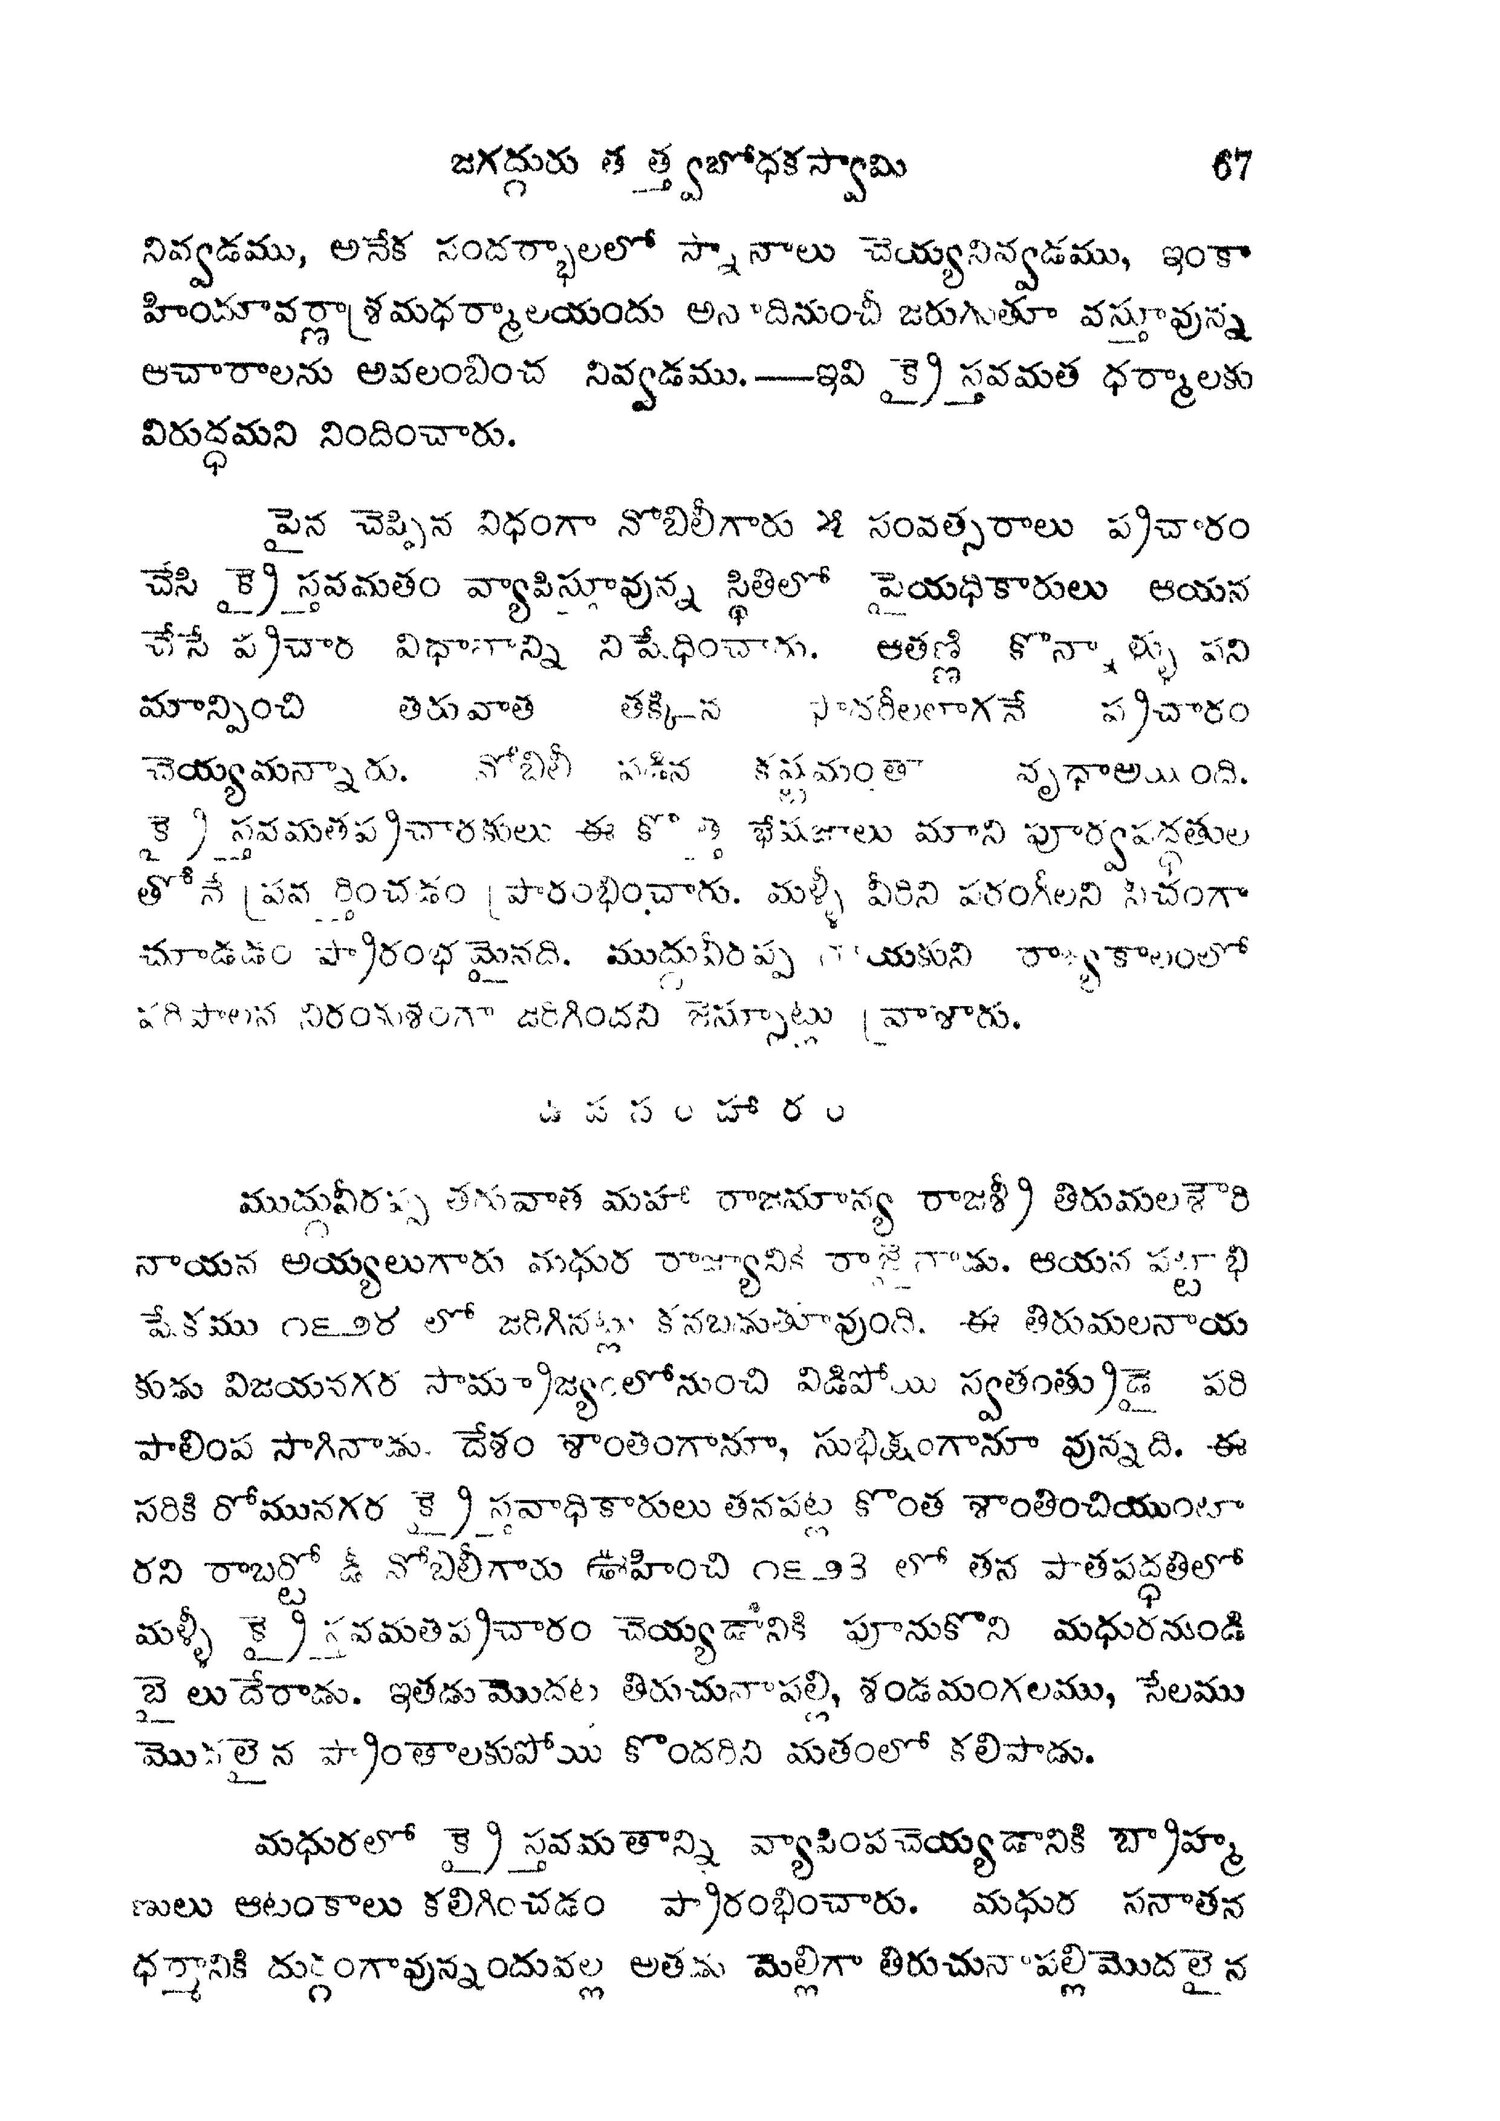నివ్వడము, అనేక సందర్భలలో స్నానాలు చెయ్యనివ్వడము, ఇంకా హిందూవర్ణాశ్రమధర్మాలయందు ఆదినుంచీ జరుగుతూ వస్తూవున్న ఆచారములను అవలంబించ నివ్వడము - ఇవిక్రైస్తవమత ధర్మాలకు విరుద్ధమని నిందించారు..

పైన చెప్పిన విధంగా నోబిలీగారు 5 సంవత్సరాలు ప్రచారంచేసి క్రైస్తవమతం వ్యాపిస్తూవున్న స్ధితిలో పైయధికారులు ఆయన చేసే ప్రచార విధానాన్ని నిషేధించారు. అతణ్ణి కొన్నాళ్లు పని మాన్పించి తరువాత తక్కిన ఫాదరీలలాగనే ప్రచారం చెయ్యమన్నారు. నోబిలీ పడిన కష్టమంతా వృధాఅయింది. క్రైస్తవమత ప్రచారకులు ఈ కొత్త భేషజాలు మాని పూర్వపద్దతుల తోనే ప్రవర్తించడం ప్రారంభించారు. మళ్ళీ వీరిని పరంగీలని నీచంగా చూడడం ప్రారంభమైనది. ముద్దువీరప్ప నాయనిరాజ్యకాలంలో పరిపాలన నిరంకుశంగా జరిగిందని జెస్సూట్లు వ్రాశారు.

ముద్దువీరప్ప తరువాత మహారాజమాన్య రాజశ్రీ తిరుమలశౌరినాయన అయ్యలుగారు మధుర రాజ్యానికి రాజైనాడు. ఆయన పట్టాభిషేకము 1924 లో జరిగినట్లు కనబడుతూవుంది. ఈ తిరుమలనాయకుడు విజయనగర సామ్రాజ్యం లోనుంచి విడిపోయి స్వతంత్రుడై పరిపాలింపసాగాడు. దేశం శాతంగానూ, సుభిక్షంగానూ వున్నది. ఈ సరికి రోమునగర క్రైస్తవాధికారులు తమపట్ల కొంతశాంతించి యుంటారని రాబర్టో డీ నోబిలీగారు ఊహించి 1923 లో తన పాతపద్దతిలో మళ్ళీ క్రైస్తవమతప్రచారం చెయ్యడానికి పూనుకొని మధురనుండి బైలుదేరాడు. ఇతడు మొదట తిరుచునాపల్లి, శండమంగలము, సేలము మొదలైన ప్రాంతాలకు బోయి కొందరిని మతంలో కలిపాడు.

మధురలో క్రైస్తవమతాన్ని వ్యాపింపచెయ్యడానికి బ్రాహ్మణులు ఆటంకాలు కలిగించడం ప్రారంభించారు. మధుర సనాతన ధర్మానికి దుర్గంగావున్నందువల్ల అతడు మెల్లిగా తిరుచునాపల్లి మొదలైన